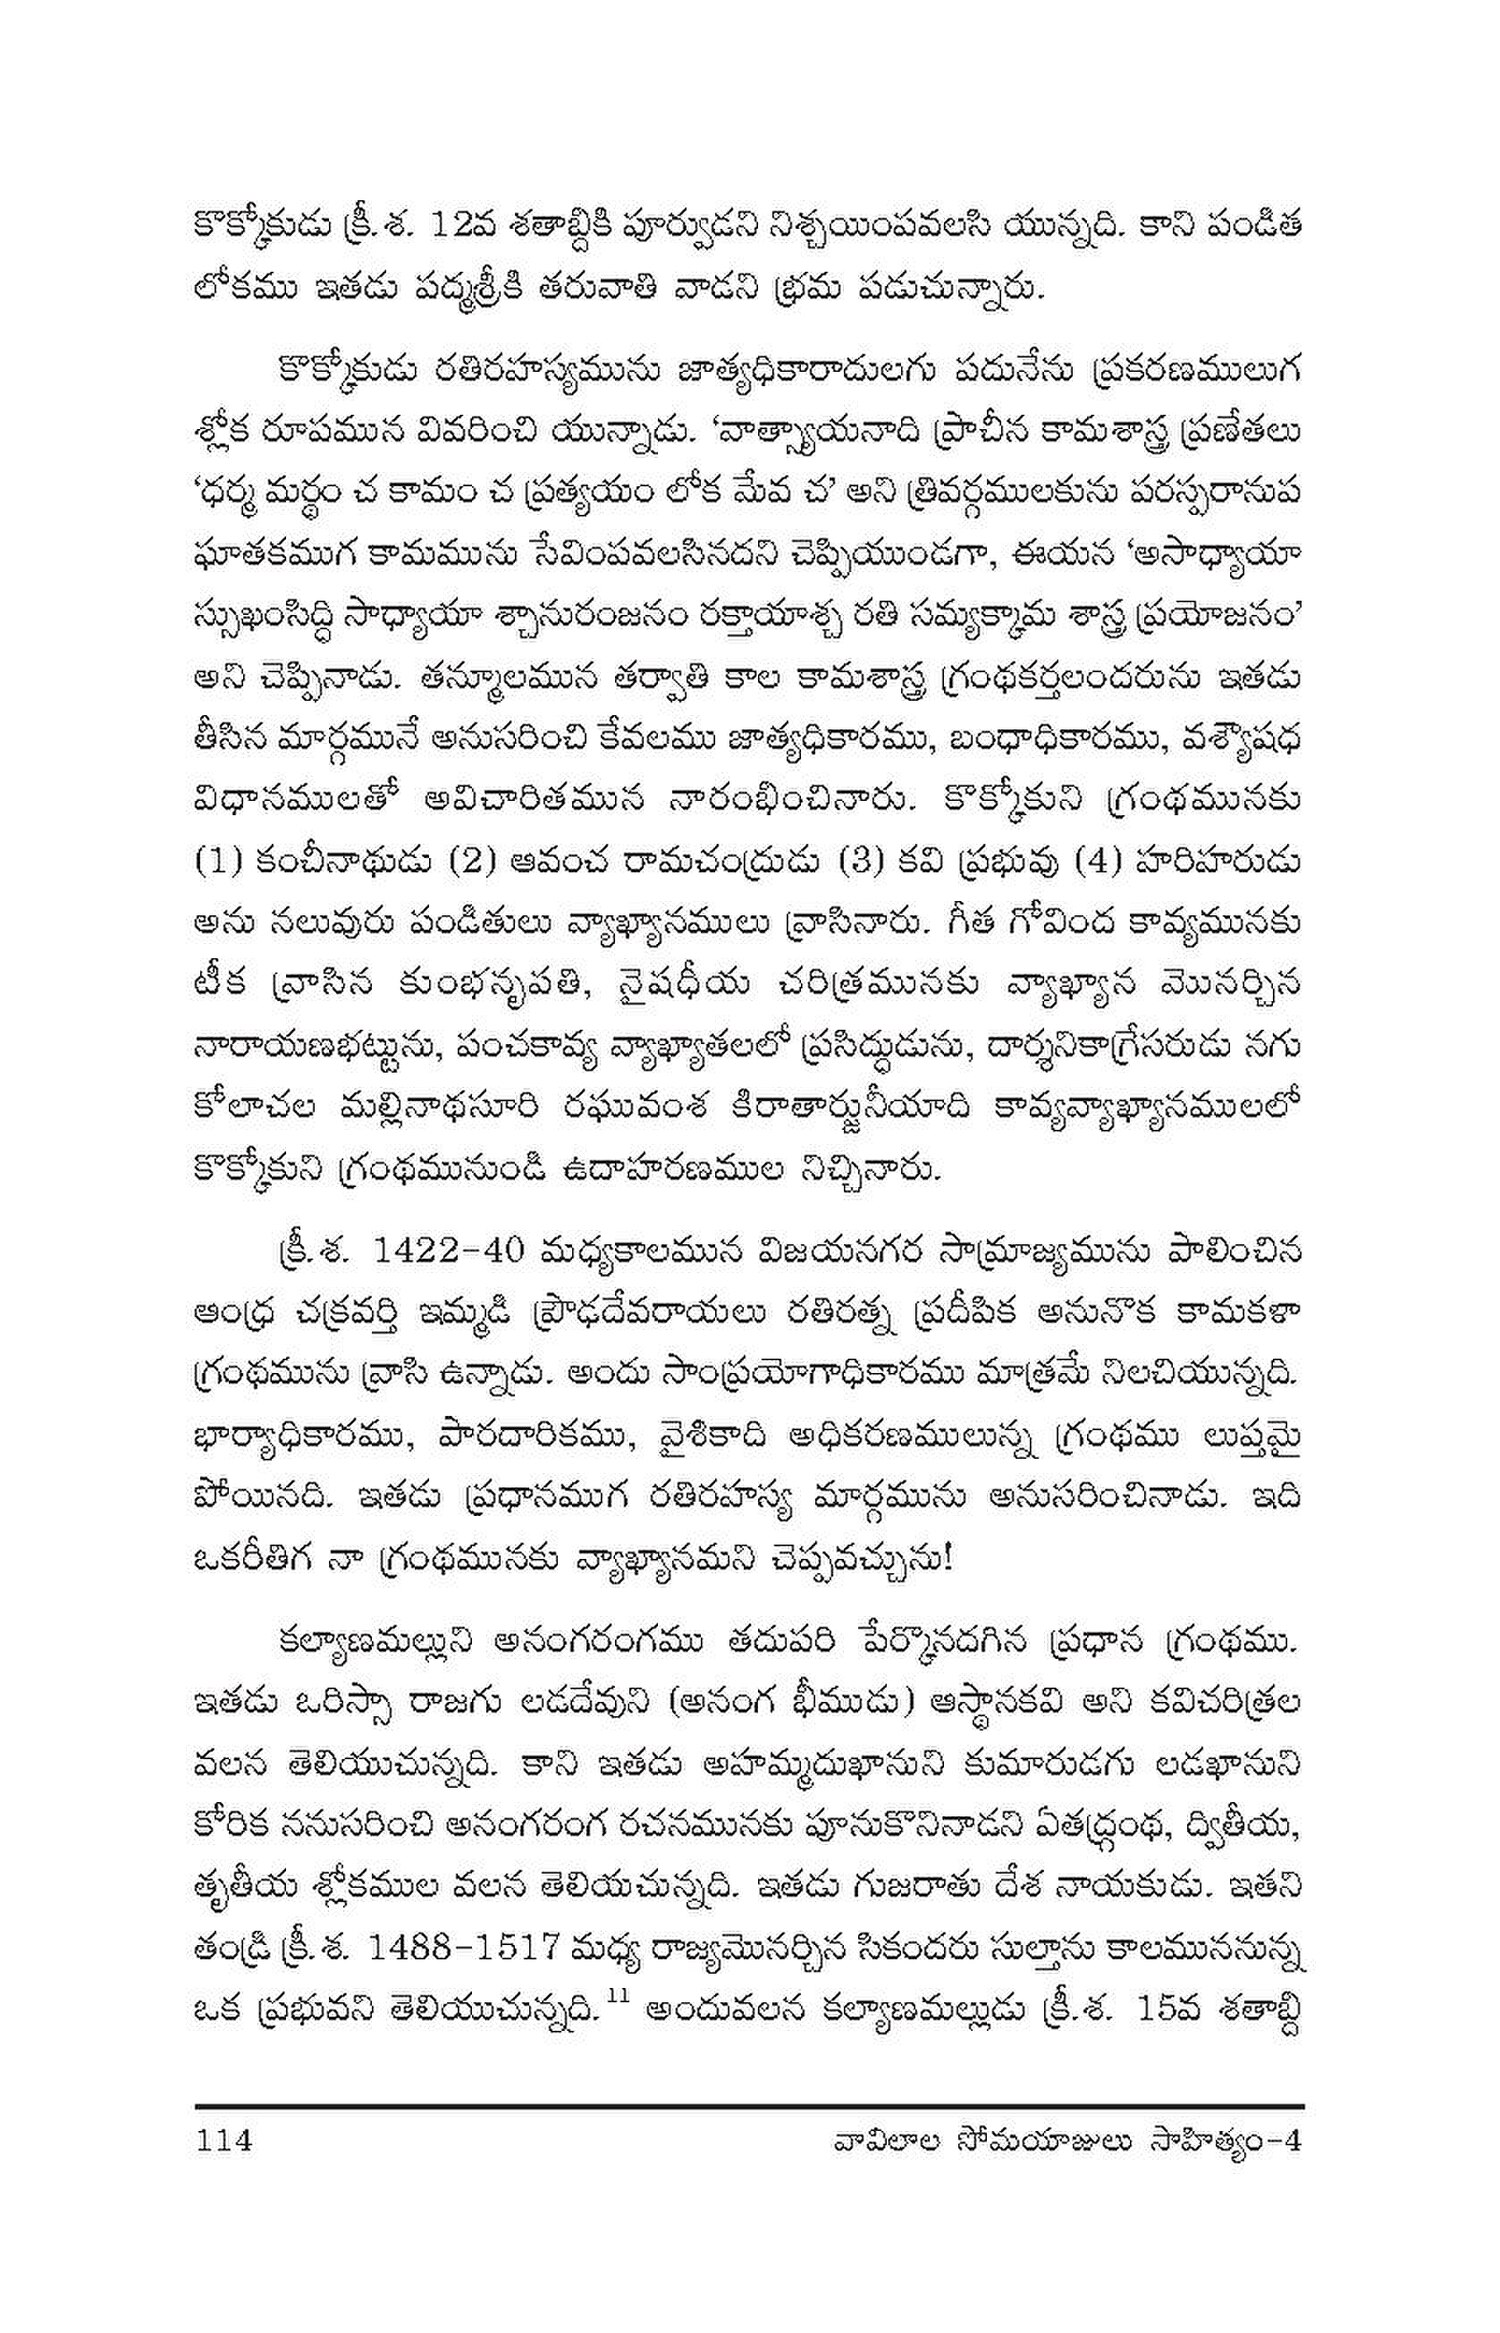కొక్కోకుడు క్రీ.శ. 12వ శతాబ్దికి పూర్వుడని నిశ్చయింపవలసి యున్నది. కాని పండితలోకము ఇతడు పద్మశ్రీకి తరువాతి వాడని భ్రమ పడుచున్నారు.

కొక్కోకుడు రతిరహస్యమును జాత్యధికారాదులగు పదునేను ప్రకరణములుగ
శ్లోక రూపమున వివరించి యున్నాడు. 'వాత్స్యాయనాది ప్రాచీన కామశాస్త్ర ప్రణేతలు 'ధర్మ మర్థం చ కామం చ ప్రత్యయం లోక మేవ చ' అని త్రివర్గములకును పరస్పరానుప ఘాతకముగ కామమును సేవింపవలసినదని చెప్పియుండగా, ఈయన 'అసాధ్యాయాస్సుఖంసిద్ధి సాధ్యాయా శ్చానురంజనం రక్తాయాశ్చ రతి సమ్యక్కామ శాస్త్ర ప్రయోజనం’ అని చెప్పినాడు. తన్మూలమున తర్వాతి కాల కామశాస్త్ర గ్రంథకర్తలందరును ఇతడు తీసిన మార్గమునే అనుసరించి కేవలము జాత్యధికారము, బంధాధికారము, వశ్యౌషధ విధానములతో అవిచారితమున నారంభించినారు. కొక్కోకుని గ్రంథమునకు (1) కంచీనాథుడు (2) ఆవంచ రామచంద్రుడు (3) కవి ప్రభువు (4) హరిహరుడు అను నలువురు పండితులు వ్యాఖ్యానములు వ్రాసినారు. గీత గోవింద కావ్యమునకు
టీక వ్రాసిన కుంభనృపతి, నైషధీయ చరిత్రమునకు వ్యాఖ్యాన మొనర్చిన
నారాయణభట్టును, పంచకావ్య వ్యాఖ్యాతలలో ప్రసిద్ధుడును, దార్శనికాగ్రేసరుడు నగు కోలాచల మల్లినాథసూరి రఘువంశ కిరాతార్జునీయాది కావ్యవ్యాఖ్యానములలో
కొక్కోకుని గ్రంథమునుండి ఉదాహరణముల నిచ్చినారు.

క్రీ.శ. 1422-40 మధ్యకాలమున విజయనగర సామ్రాజ్యమును పాలించిన
ఆంధ్ర చక్రవర్తి ఇమ్మడి ప్రౌఢదేవరాయలు రతిరత్న ప్రదీపిక అనునొక కామకళా
గ్రంథమును వ్రాసి ఉన్నాడు. అందు సాంప్రయోగాధికారము మాత్రమే నిలచియున్నది. భార్యాధికారము, పారదారికము, వైశికాది అధికరణములున్న గ్రంథము లుప్తమై పోయినది. ఇతడు ప్రధానముగ రతిరహస్య మార్గమును అనుసరించినాడు. ఇది ఒకరీతిగ నా గ్రంథమునకు వ్యాఖ్యానమని చెప్పవచ్చును!

కల్యాణమల్లుని అనంగరంగము తదుపరి పేర్కొనదగిన ప్రధాన గ్రంథము.
ఇతడు ఒరిస్సా రాజగు లడదేవుని (అనంగ భీముడు) ఆస్థానకవి అని కవిచరిత్రల వలన తెలియుచున్నది. కాని ఇతడు అహమ్మదుఖానుని కుమారుడగు లడఖానుని కోరిక ననుసరించి అనంగరంగ రచనమునకు పూనుకొనినాడని ఏతద్గ్రంథ, ద్వితీయ, తృతీయ శ్లోకముల వలన తెలియచున్నది. ఇతడు గుజరాతు దేశ నాయకుడు. ఇతని తండ్రి క్రీ.శ. 1488-1517 మధ్య రాజ్యమొనర్చిన సికందరు సుల్తాను కాలముననున్న
ఒక ప్రభువని తెలియుచున్నది." అందువలన కల్యాణమల్లుడు క్రీ.శ. 15వ శతాబ్ది